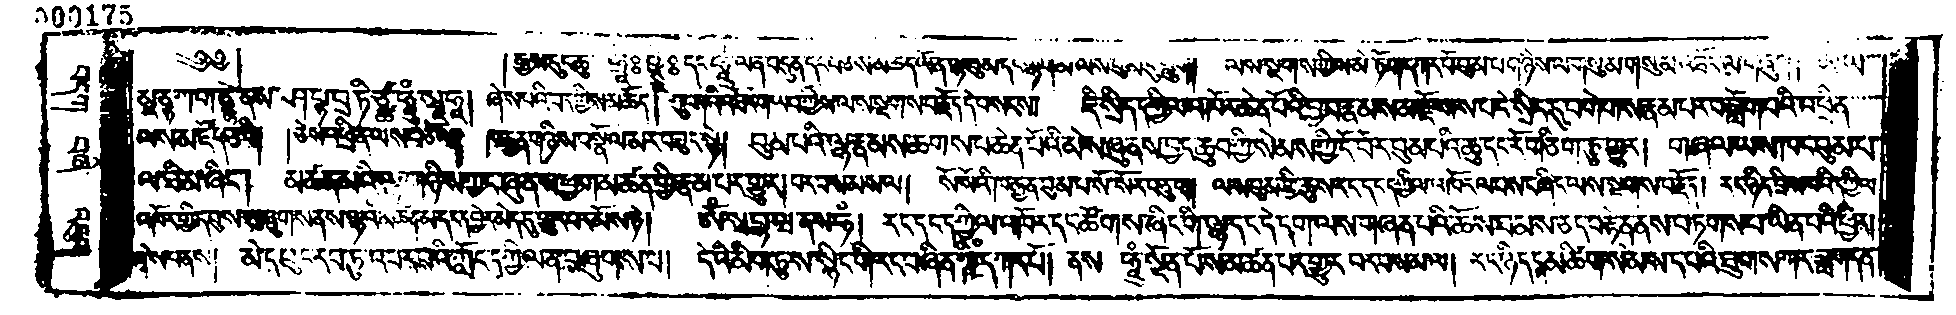༄༅། །རྒྱས་དུང་ཆུ་ཧྲཱིཿ ཥྚྲཱིཿ དང་ཧཱུཾ་ལན་བདུན་དང་བཅས་མཆོད་ཡོན་ལྷ་བུམ་དང་ལྷག་མ་ལས་བུམ་དུ་བླུག །ལས་སྔགས་ཀྱིས་མེ་ཏོག་དཀར་པོ་བུམ་པ་གཉིས་ལ་གསུམ་གསུམ་འཐོར་ལ་གཞུག ། ཨོཾ་ཡ་
མཱ་ནྟ་ཀ་ག་ནྡྷེ་ནས་ཤཔྟ་པྲ་ཏི་ཙྪ་ཧཱུཾ་སྭཱ་ཧཱ། ཞེས་པའི་བར་གྱིས་མཆོད། ཀུ་ཤའི་འཐོར་གཡབ་ཀྱིས་ལས་སྔགས་བརྗོད་དེ་བསངས།  ཇི་སྲིད་དཀྱིལ་འཁོར་ཆེན་པོའི་བྱ་བ་རྣམས་མ་རྫོགས་པ་དེ་སྲིད་དུ་བགེགས་རྣམ་པར་བཟློག་པའི་འཕྲིན་
ལས་མཛོད་ཅིག་།ཅེས་འཕྲིན་ལས་བཅོལ། ཁ་རྒྱན་གཉིས་བསྣོལ་མར་བཟུང་སྟེ།  བུམ་པའི་ལྷ་རྣམས་ཆགས་པ་ཆེན་པོའི་མེས་ཞུ་ནས་བྱང་ཆུབ་ཀྱི་སེམས་ཀྱི་ངོ་བོར་བུམ་པའི་ཆུ་དང་རོ་གཅིག་ཏུ་གྱུར། གཞལ་ཡས་ཁང་བུམ་པ་
ལ་ཐིམ་ཞིང་། མཚན་མའི་ལྷ་གཉིས་ཀྱང་ཞུ་ནས་ཕྱག་མཚན་གྱི་རྣམ་པར་གྱུར། པར་བསམས་ལ། སོ་སོའི་ཁ་རྒྱན་བུམ་པ་སོ་སོར་བཅུག །ལས་བུམ་གྱི་ཆུས་རང་དང་དཀྱིལ་འཁོར་ལ་བསང་ཞིང་ལས་སྔགས་བརྗོད། རང་ཉིད་བྲིས་པའི་དཀྱིལ་
འཁོར་གྱི་དབུས་སུ་ཞུགས་ནས་ལྷའི་མཚན་མ་དང་དབྱེར་མེད་དུ་གྱུར་བར་མོས་ཏེ། ཨོཾ་སྭ་བྷ་ཝ་ནས་ཧཾ། རང་དང་དཀྱིལ་འཁོར་དང་ཚོགས་ཞིང་གི་ལྷ་དང་དེ་དག་ལས་གཞན་པའི་ཆོས་ཐམས་ཅད་བརྟེན་ནས་བཏགས་པ་ཡིན་པའི་ཕྱིར།
ཞེས་པ་ནས།  མེ་དཔུང་རབ་ཏུ་འབར་བའི་ཀློང་དཀྱིལ་ན་བཞུགས་པ། དེའི་མིག་ཏུ་ས་སྙིང་གི་རང་བཞིན་ཀྵིཾ་དཀར་པོ། ནས་ཧཱུཾ་སྔོན་པོས་མཚན་པར་གྱུར་བར་བསམ་ལ། རང་ཉིད་དམ་ཚིག་སེམས་དཔའི་ཐུགས་ཀར་ཟླ་གདན་